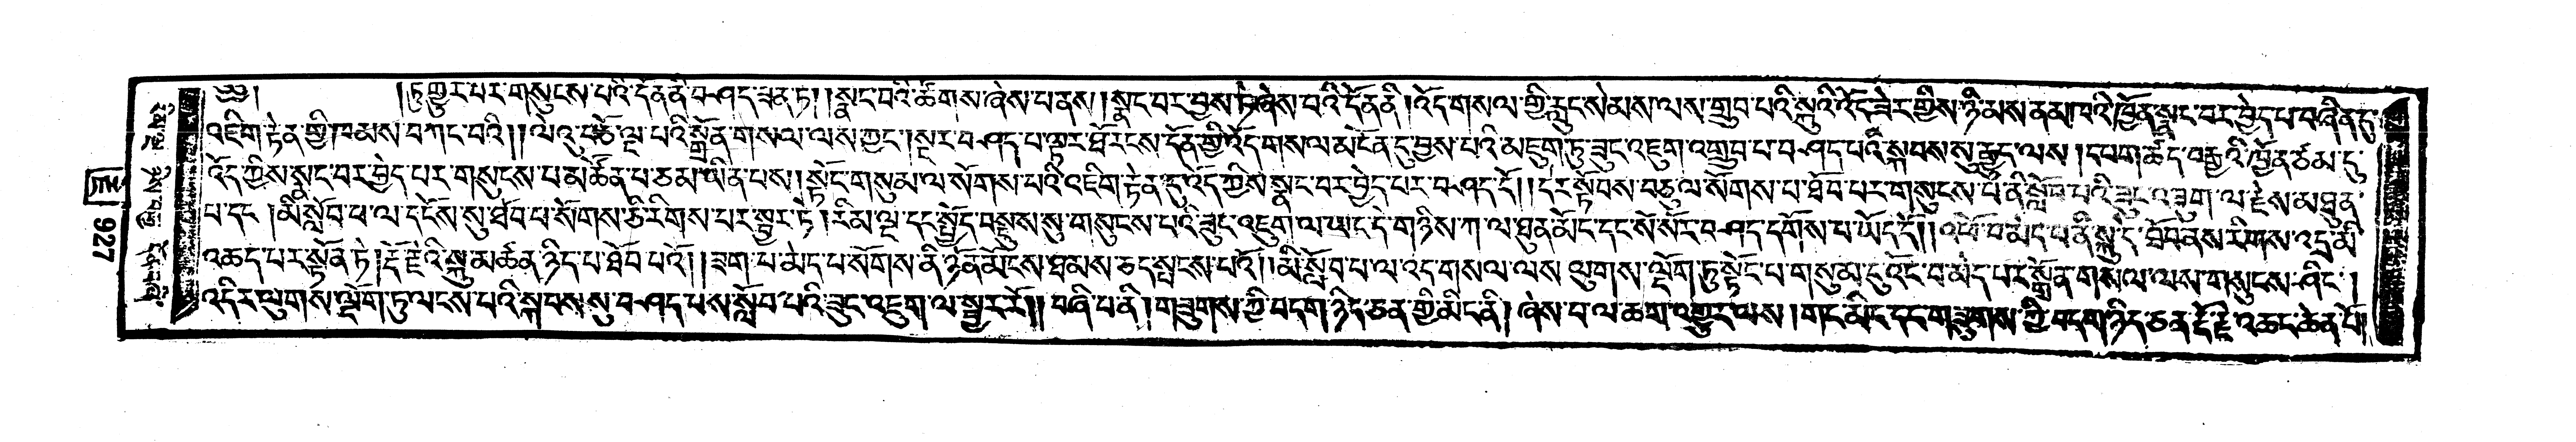༄༅། །ཏུ་གྱུར་པར་གསུངས་པའི་དོན་ནི་བཤད་ཟིན་ཏོ། །སྣང་བའི་ཚོགས་ཞེས་པ་ནས། སྣང་བར་བྱས་ཏེ་ཞེས་པའི་དོན་ནི། འོད་གསལ་གྱི་རླུང་སེམས་ལས་གྲུབ་པའི་སྐུའི་འོད་ཟེར་གྱིས་ཉི་མས་ནམ་མཁའི་ཁྱོན་སྣང་བར་བྱེད་པ་བཞིན་དུ་
འཇིག་རྟེན་གྱི་ཁམས་བཀང་བའི། །ལེའུ་བཅོ་ལྔ་པའི་སྒྲོན་གསལ་ལས་ཀྱང་། སྔར་བཤད་པ་ལྟར་ཐོ་རངས་དོན་གྱི་འོད་གསལ་མངོན་དུ་བྱས་པའི་མཇུག་ཏུ་ཟུང་འཇུག་འགྲུབ་པ་བཤད་པའི་སྐབས་སུ་རྒྱུད་ལས། དཔག་ཚད་བརྒྱའི་ཁྱོན་ཙམ་དུ་
འོད་ཀྱིས་སྣང་བར་བྱེད་པར་གསུངས་པ་མཚོན་པ་ཙམ་ཡིན་པས། སྟོང་གསུམ་ལ་སོགས་པའི་འཇིག་རྟེན་དུ་འོད་ཀྱིས་སྣང་བར་བྱེད་པར་བཤད་དོ། །དེར་སྟོབས་བཅུ་ལ་སོགས་པ་ཐོབ་པར་གསུངས་པ་ནི་སློབ་པའི་ཟུང་འཇུག་ལ་རྗེས་མཐུན་
པ་དང་། མི་སློབ་པ་ལ་དངོས་སུ་ཐོབ་པ་སོགས་ཅི་རིགས་པར་སྦྱར་ཏེ། རིམ་ལྔ་དང་སྤྱོད་བསྡུས་སུ་གསུངས་པའི་ཟུང་འཇུག་ལ་ཡང་དེ་གཉིས་ཀ་ལ་ཐུན་མོང་དང་སོ་སོར་བཤད་དགོས་པ་ཡོད་དོ། །འཕོ་བ་མེད་པ་ནི་སྐུ་དེ་ཐོབ་ནས་རིགས་འདྲ་མི་
འཆད་པར་སྟོན་ཏེ། རྡོ་རྗེའི་སྐུ་མཚན་ཉིད་པ་ཐོབ་པའོ། །ཟག་པ་མེད་པ་སོགས་ནི་ཉོན་མོངས་ཐམས་ཅད་སྤངས་པའོ། །མི་སློབ་པ་ལ་འོད་གསལ་ལས་ལུགས་ལྡོག་ཏུ་སྟོང་པ་གསུམ་དུ་འོང་བ་མེད་པར་སྒྲོན་གསལ་ལས་གསུངས་ཤིང་།
འདིར་ལུགས་ལྡོག་ཏུ་ལངས་པའི་སྐབས་སུ་བཤད་པས་སློབ་པའི་ཟུང་འཇུག་ལ་སྦྱར་རོ། །བཞི་པ་ནི། གཟུགས་ཀྱི་བདག་ཉིད་ཅན་གྱི་མིང་ནི། ཞེས་པ་ལ་ཆག་འགྱུར་ལས། གང་མིང་དང་གཟུགས་ཀྱི་བདག་ཉིད་ཅན་རྡོ་རྗེ་འཆང་ཆེན་པོ། །